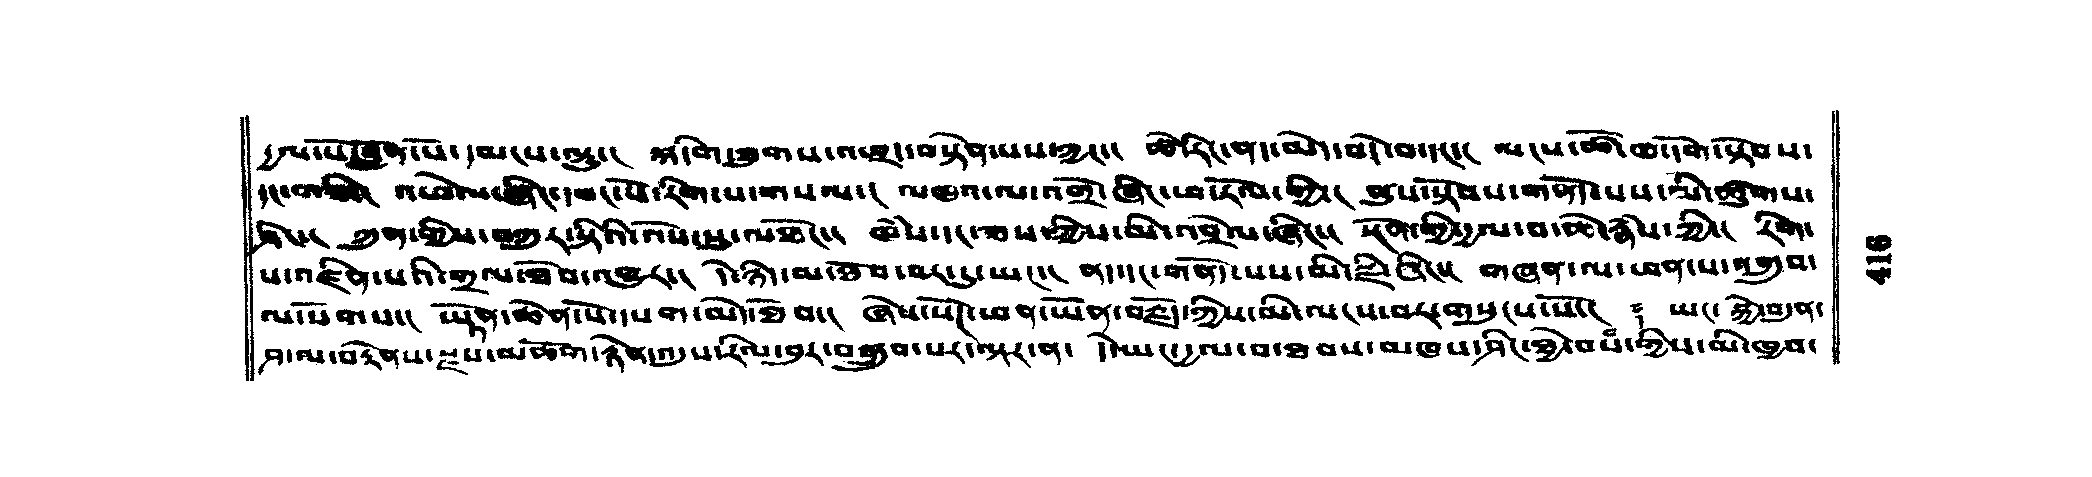རྒྱལ་པོ་བློན་པོ་དམངས་ལྟ་བུ། །སྐད་ཅིག་ཐུག་འཕྲད་བསྟེན་པས་ཀྱང་། །ཚེ་རིང་ནད་མེད་བདེ་བ་དང་། །ལངས་ཚོ་ཁ་དོག་སྟོབས་
དང་གཟི། །འཕེལ་ཞིང་དབང་པོ་རིག་པ་གསལ། །མཁའ་ལ་འགྲོ་ཞིང་ཕ་རོལ་གྱི། །ནུས་སྟོབས་གནོད་པས་མི་ཚུགས་
ཤིང་། །ཀུན་གྱིས་བཀུར་སྟིའི་འོས་སུ་མཐོང་། །ཁམས་དང་ཟས་ཀྱིས་མི་འབྲེལ་ཞིང་། །སྔོན་གྱི་རྒྱལ་བ་ཆེ་རྣམས་ཀྱི། །རིག་
པ་འཛིན་པའི་གྲལ་ཐོབ་འགྱུར། །དེ་ཉིད་མ་ཐོབ་བར་དུ་ཡང་། །ནད་དང་གནོད་པས་མི་རྫི་ཞིང་། །གཞན་ལ་ཕན་པ་འགྲུབ་
ལ་སོགས། །ཡོན་ཏན་ཆེན་པོ་དཔག་མེད་ཐོབ། ཞེས་སོགས་ཕན་ཡོན་བརྗོད་ཀྱིས་མི་ལངས་བར་གསུངས་སོ། ཡང་སྐྱེ་བདུན་
ཤ་ལ་བརྟེན་ནས་རྫས་མཆོག་རྟེན་འདུས་རིལ་བུར་བསྒྲུབ་པར་ལྟར་ན། དེ་ཡང་རྒྱལ་བ་ཐབས་མཁས་ཤིང་ཐུགས་རྗེ་བསམ་གྱི་མི་ཁྱབ་